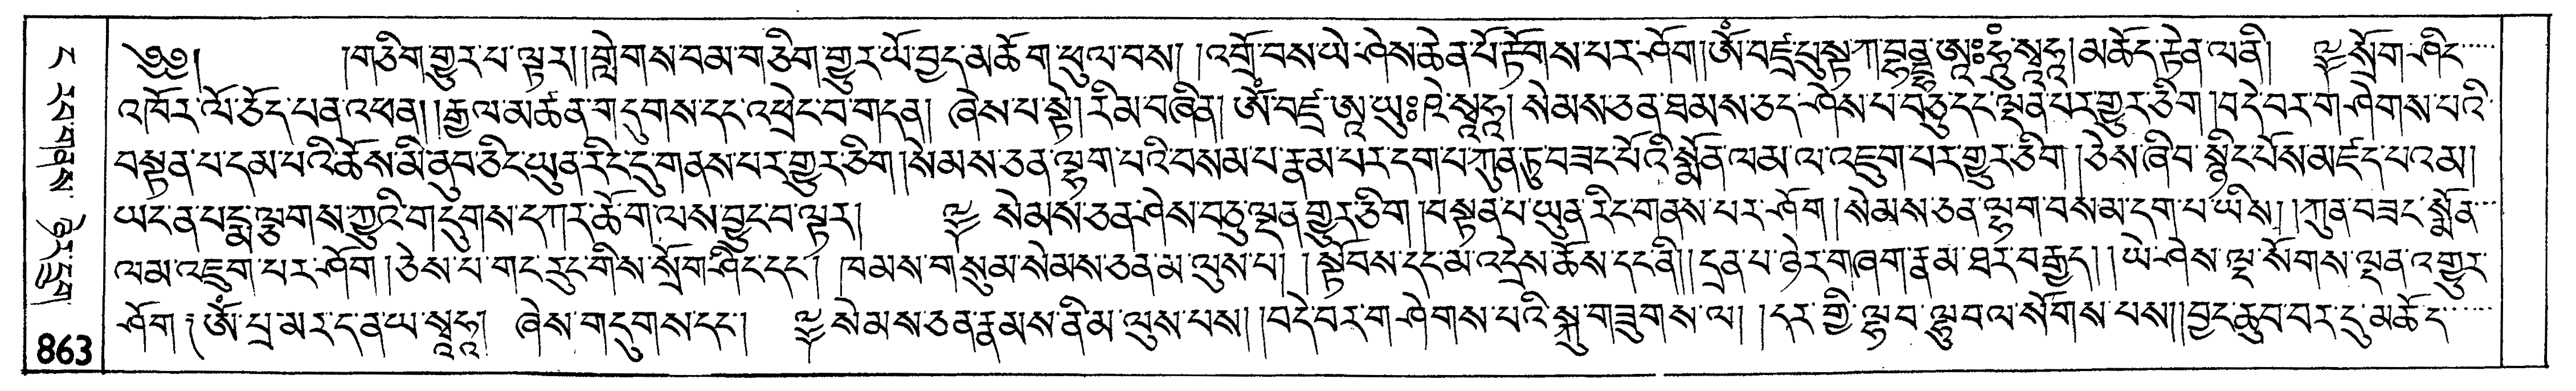༄༅། །གཅིག་གྱུར་པ་ལྟར། །གླེགས་བམ་གཅིག་གྱུར་ཡོ་བྱད་མཆོག་ཕུལ་བས། །འགྲོ་བས་ཡེ་ཤེས་ཆེན་པོ་རྟོགས་པར་ཤོག །ཨོཾ་བཛྲ་པུསྟ་ཀ་བྷནྡྷ་ཨཱཿ ཧཱུཾ་སྭཱཧཱ། མཆོད་རྟེན་ལ་ནི། ༈ སྲོག་ཤིང་
འཁོར་ལོ་ཅོད་པན་འཕན། །རྒྱལ་མཚན་གདུགས་དང་འཕྲེང་བ་གདན། ཞེས་པ་སྟེ། རིམ་བཞིན། ཨོཾ་བཛྲ་ཨཱ་ཡུཿ ཥེ་སྭཱཧཱ། སེམས་ཅན་ཐམས་ཅད་ཤེས་པ་བཅུ་དང་ལྡན་པར་གྱུར་ཅིག །བདེ་བར་གཤེགས་པའི་
བསྟན་པ་དམ་པའི་ཆོས་མི་ནུབ་ཅིང་ཡུན་རིང་དུ་གནས་པར་གྱུར་ཅིག །སེམས་ཅན་ལྷག་པའི་བསམ་པ་རྣམ་པར་དག་པ་ཀུན་ཏུ་བཟང་པོའི་སྨོན་ལམ་ལ་འཇུག་པར་གྱུར་ཅིག །ཅེས་ཞིབ་སྙིང་པོས་མཛད་པའམ།
ཡང་ན་པདམ་ལྕགས་ཀྱུའི་གདུགས་དཀར་ཆོ་ག་ལས་བྱུང་བ་ལྟར། ༈ སེམས་ཅན་ཤེས་བཅུ་ལྡན་གྱུར་ཅིག །བསྟན་པ་ཡུན་རིང་གནས་པར་ཤོག །སེམས་ཅན་ལྷག་བསམ་དག་པ་ཡིས། །ཀུན་བཟང་སྨོན་
ལམ་འཇུག་པར་ཤོག །ཅེས་པ་གང་རུང་གིས་སྲོག་ཤིང་དང་། ཁམས་གསུམ་སེམས་ཅན་མ་ལུས་པ། །སྟོབས་དང་མ་འདྲེས་ཆོས་དང་ནི། །དྲན་པ་ཉེར་གཞག་རྣམ་ཐར་བརྒྱད། །ཡེ་ཤེས་ལྔ་སོགས་ལྡན་འགྱུར་
ཤོག ༑ཨོཾ་པྲ་མར་ད་ན་ཡ་སྭཱཧཱ། ཞེས་གདུགས་དང་། ༈ སེམས་ཅན་རྣམས་ནི་མ་ལུས་པས། །བདེ་བར་གཤེགས་པའི་སྐུ་གཟུགས་ལ། །དར་གྱི་ལྷབ་ལྷུབ་ལ་སོགས་པས། །བྱང་ཆུབ་བར་དུ་མཆོད་